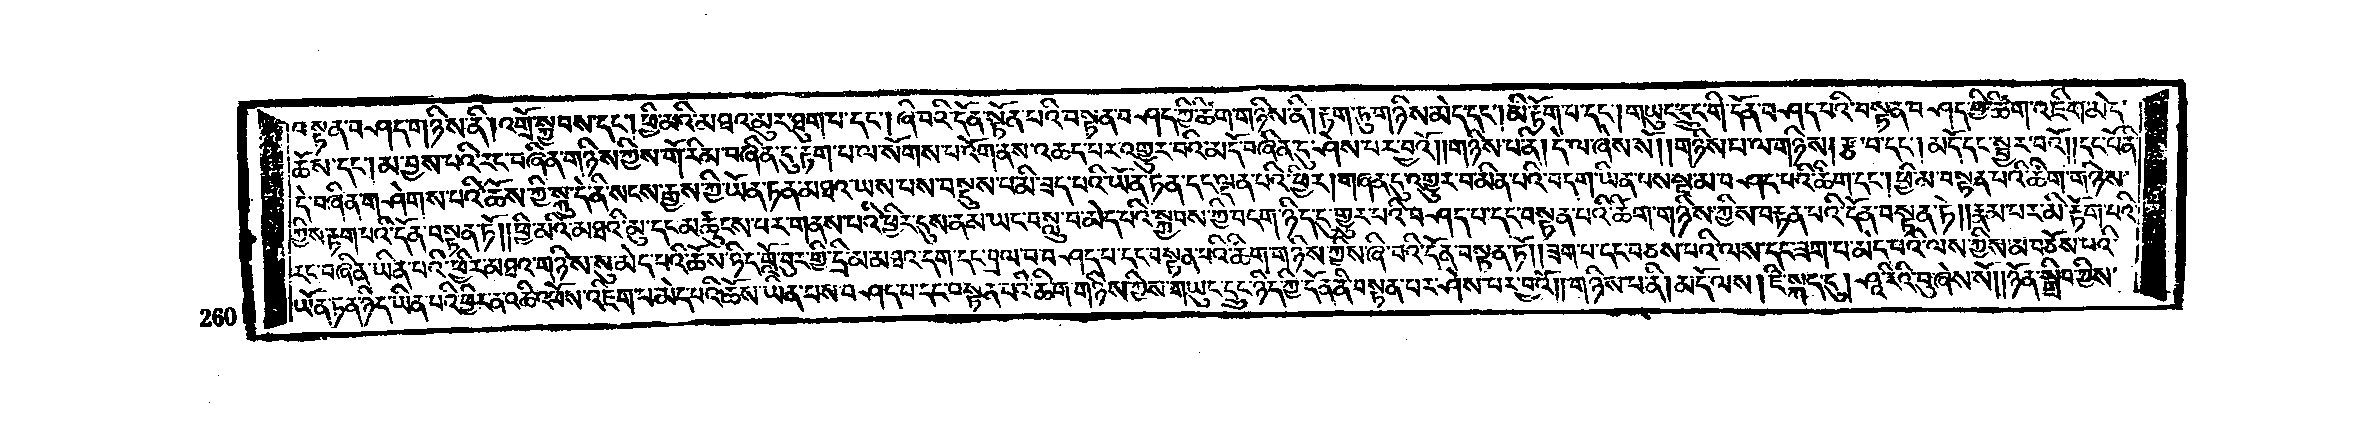བསྟན་བཤད་གཉིས་ནི། འགྲོ་སྐྱབས་དང་། ཕྱི་མའི་མཐའ་མུར་ཐུག་པ་དང་། ཞི་བའི་དོན་སྟོན་པའི་བསྟན་བཤད་ཀྱི་ཚིག་གཉིས་ནི། རྟག་ཏུ་གཉིས་མེད་དང་། མི་རྟོག་པ་དང་། གཡུང་དྲུང་གི་དོན་བཤད་པའི་བསྟན་བཤད་གྱི་ཚིག་འཇིག་མེད་
ཆོས་དང་། མ་བྱས་པའི་རང་བཞིན་གཉིས་ཀྱིས་གོ་རིམ་བཞིན་དུ་རྟག་པ་ལ་སོགས་པ་འོག་ནས་འཆད་པར་འགྱུར་བའི་མདོ་བཞིན་དུ་ཤེས་པ་བྱའོ། །གཉིས་པ་ནི། དེ་ལ་ཞེས་སོ། །གཉིས་པ་ལ་གཉིས། རྩ་བ་དང་། མདོ་དང་སྦྱར་བའོ། །དང་པོ་ནི།
དེ་བཞིན་གཤེགས་པའི་ཆོས་ཀྱི་སྐུ་དེ་ནི་སངས་རྒྱས་ཀྱི་ཡོན་ཏན་མཐའ་ཡས་པས་བསྡུས་པ་མི་ཟད་པའི་ཡོན་ཏན་དང་ལྡན་པའི་ཕྱིར། གཞན་དུ་འགྱུར་བ་མིན་པའི་བདག་ཡིན་པས་སྔ་མ་བཤད་པའི་ཚིག་དང་། ཕྱི་མ་བསྟན་པའི་ཚིག་གཉིས་
ཀྱིས་རྟག་པའི་དོན་བསྟན་ཏོ། །ཕྱི་མའི་མཐའི་མུ་དང་མཚུངས་པར་གནས་པའི་ཕྱིར་དུས་ནམ་ཡང་བསླུ་བ་མེད་པའི་སྐྱབས་ཀྱི་བདག་ཉིད་དུ་གྱུར་པའི་བཤད་པ་དང་བསྟན་པའི་ཚིག་གཉིས་ཀྱིས་བརྟན་པའི་དོན་བསྟན་ཏེ། །རྣམ་པར་མི་རྟོག་པའི་
རང་བཞིན་ཡིན་པའི་ཕྱིར་མཐའ་གཉིས་སུ་མེད་པའི་ཆོས་ཉིད་གློ་བུར་གྱི་དྲི་མ་མཐའ་དག་དང་བྲལ་བ་བཤད་པ་དང་བསྟན་པའི་ཚིག་གཉིས་ཀྱིས་ཞི་བའི་དོན་བསྟན་ཏོ། །ཟག་པ་དང་བཅས་པའི་ལས་དང་ཟག་པ་མེད་པའི་ལས་ཀྱིས་མ་བཅོས་པའི་
ཡོན་ཏན་ཉིད་ཡིན་པའི་ཕྱིར་ན་འཆི་འཕོས་འཇིག་པ་མེད་པའི་ཆོས་ཡིན་པས་བཤད་པ་དང་བསྟན་པའི་ཚིག་གཉིས་ཀྱིས་གཡུང་དྲུང་ཉིད་ཀྱི་དོན་ནི་བསྟན་པར་ཤེས་པར་བྱའོ། །གཉིས་པ་ནི། མདོ་ལས། ཇི་སྐད་དུ། ཤཱ་རིའི་བུ་ཞེས་སོ། །ཉོན་སྒྲིབ་ཀྱིས་